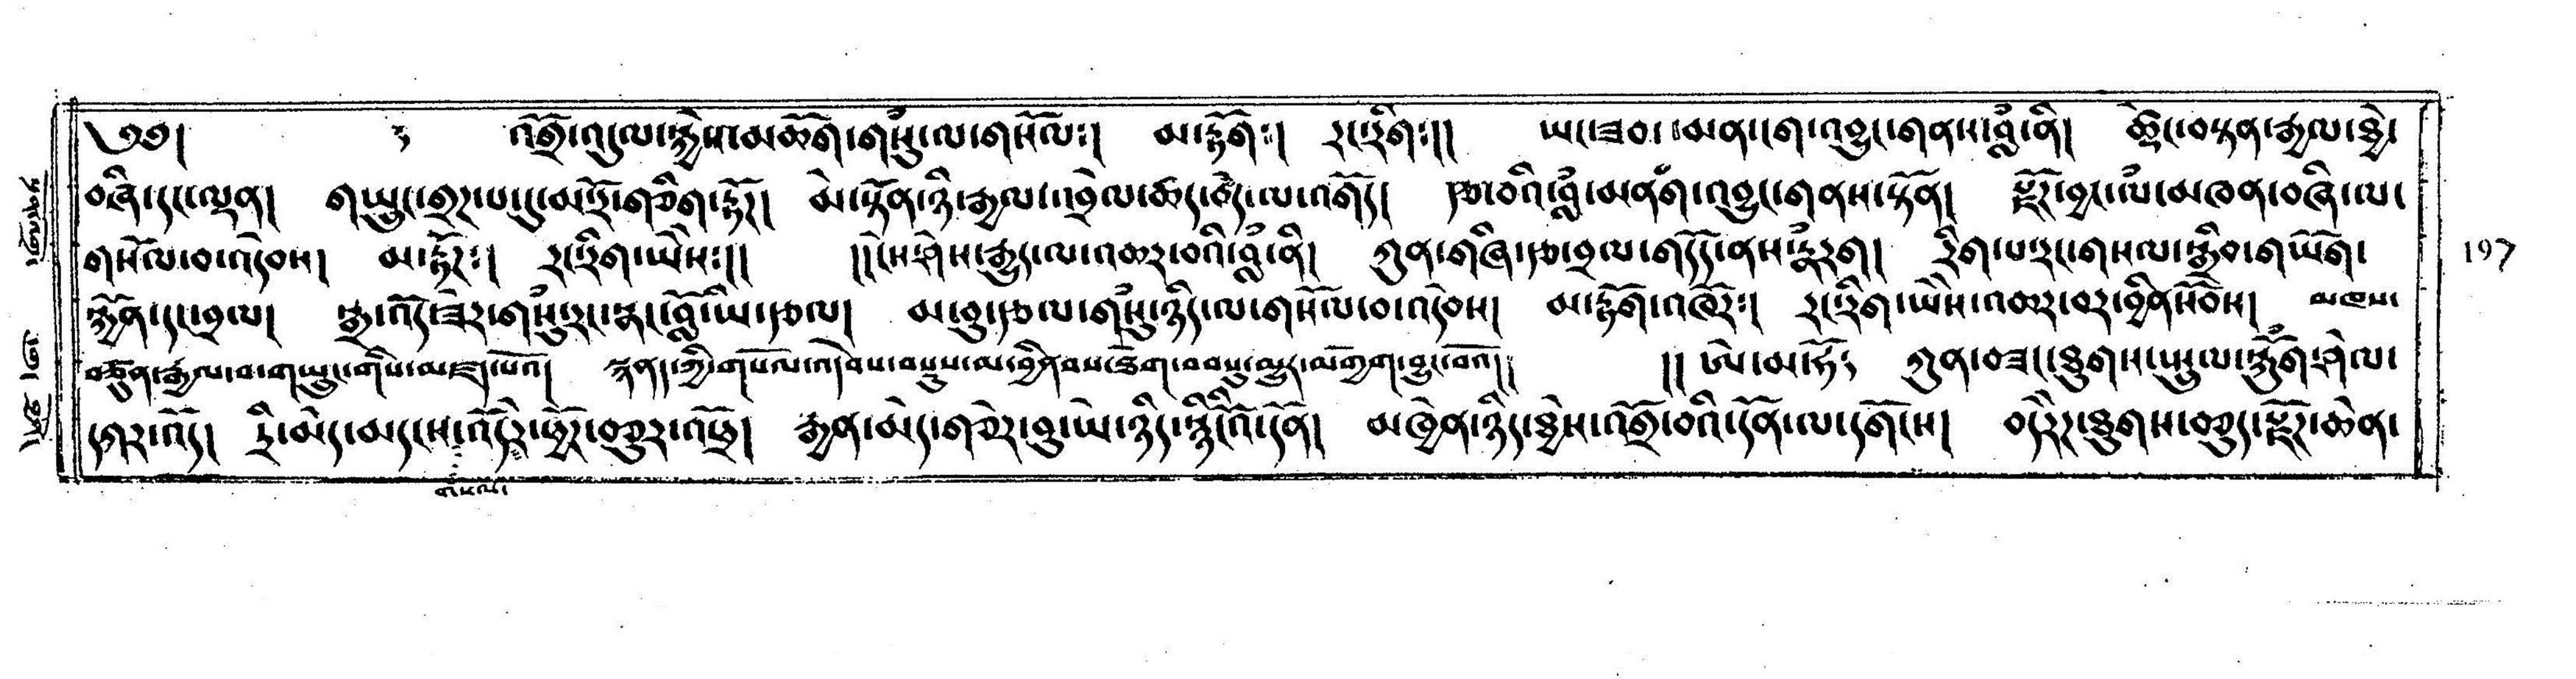འགྲོ་འདུལ་སྐྱེས་མཆོག་གསུམ་ལ་གསོལ༴། མ་རྟོག༴། རང་རིག༴།། ཡང་ཟབ་མན་ངག་འབྱུང་གནས་བླ་མ་ནི། ཚེ་དབང་བསྟན་རྒྱལ་ཐུགས་རྗེ་
བཞི་དང་ལྡན། གཡུང་དྲུང་གྲགས་པ་དུ་མ་རོ་གཅིག་རྟོགས། མེ་སྟོན་ཉི་རྒྱལ་འབྲེལ་ཚད་བདེ་ལ་འགོད། རྩ་བའི་བླ་མ་མན་ངག་འབྱུང་གནས་སྟོན། རྫོགས་བྱང་ལམ་མཁན་བཞི་ལ་
གསོལ་བ་འདེབས། མ་རྟོགས༴། རང་རིག་ཡེ་ཤེས༴།། །།ངེས་ཤེས་རྒྱུད་ལ་འཆར་བའི་བླ་མ་ནི། ཀུན་གཞི་རྩ་བྲལ་གདོད་ནས་རྣམ་པར་དག རིག་པ་རང་གསལ་སྒྲིབ་གཡོག་
སྐྱོན་དང་བྲལ། སྒྲ་འོད་ཟེར་གསུམ་རང་སྣང་བློ་ཡི་རྩལ། མ་བུ་རྩལ་གསུམ་ཉིད་ལ་གསོལ་བ་འདེབས། མ་རྟོག་འཁོར༴། རང་རིག་ཡེ་ཤེས་འཆར་བར་བྱིན་རློབས། མཁས་
བཙུན་རྒྱལ་བ་གཡུང་དྲུང་གིས་མཛད་པའོ། སྙན་རྒྱུད་ཀྱི་གསོལ་འདེབས་བསྡུས་མ་བྱིན་རླབས་ཐོག་བབས་སུ་མྱུར་མགྱོགས་བྱུང་བའོ།། །།ཨེ་མ་ཧོ། ཀུན་བཟང་ཐུགས་སྤྲུལ་སྐུ་མདོག་ཤེལ་
དཀར་འོད། དྲི་མེད་མདངས་གསལ་འོད་ཟེར་ཕྱོགས་བཅུར་འཕྲོ། རྒྱན་མེད་གཅེར་བུ་ཡེ་ཉིད་སྙིང་པོའི་དོན། མཁྱེན་ཉིད་ཐུགས་རྗེས་འགྲོ་བའི་དོན་ལ་དགོངས། བདེར་གཤེགས་ཐུགས་བཅུད་རྫོགས་ཆེན་